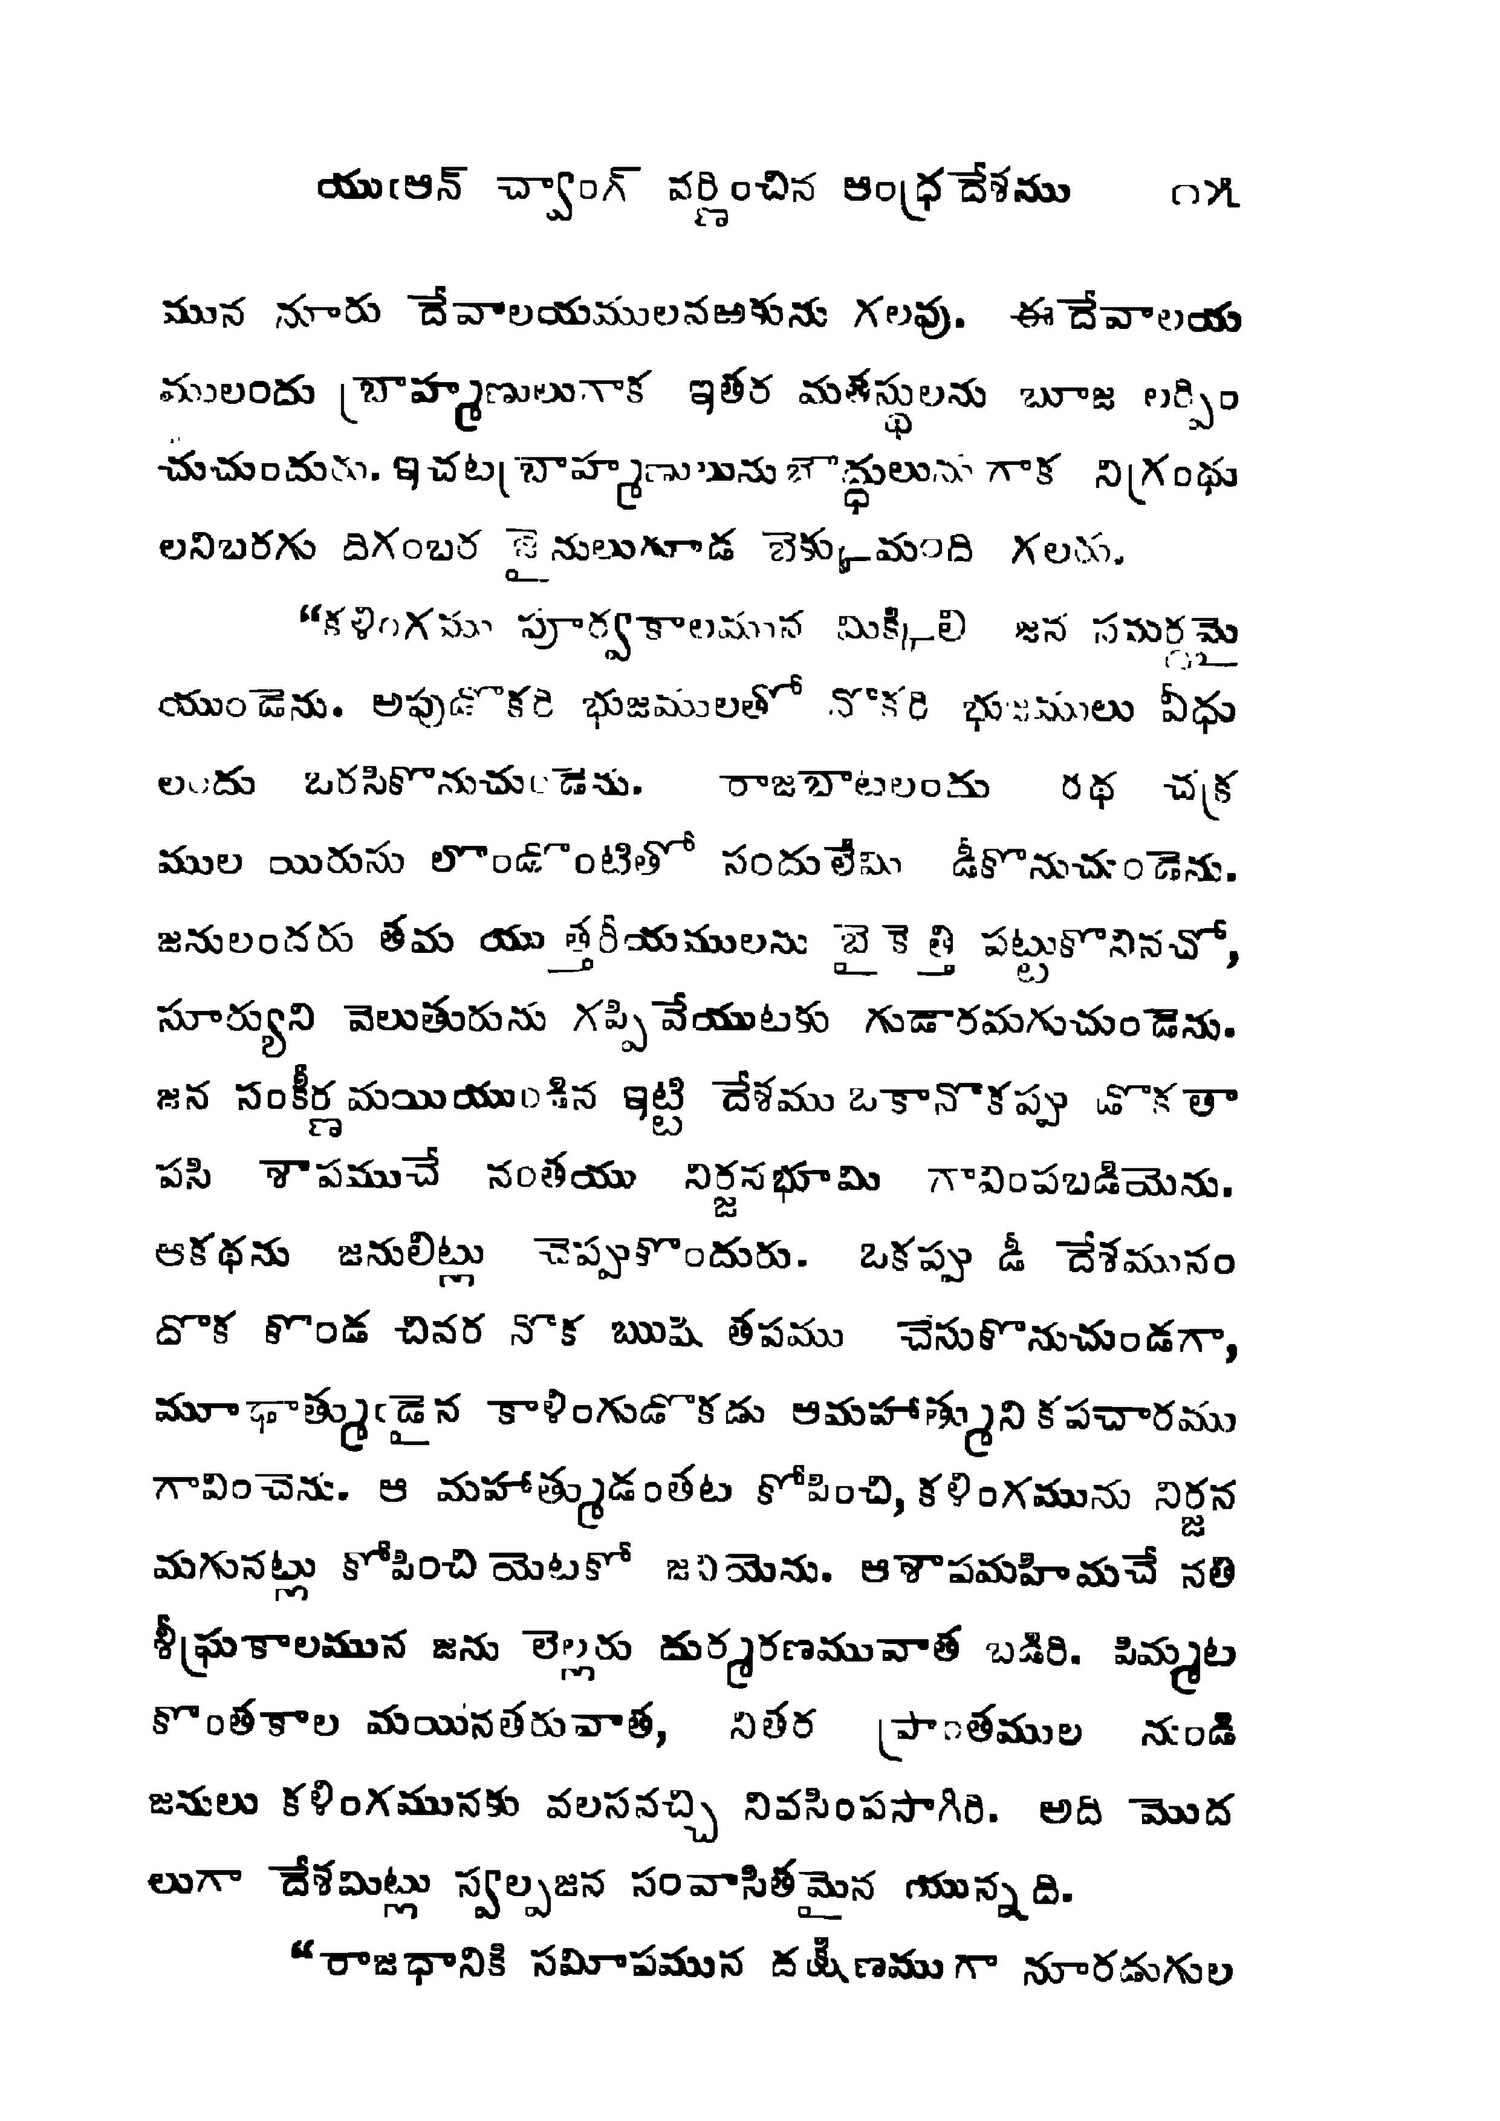మున నూరు దేవాలయముల వఱకును గలవు. ఈ దేవాలయములందు బ్రాహ్మణులుగాక ఇతర మతస్థులను బూజ లర్పించుచుందురు. ఇచట బ్రాహ్మణులును బౌద్ధులును గాక నిగ్రంథులనిబరగు దిగంబర జైనులుగూడ బెక్కుమంది గలరు.

"కళింగము పూర్వకాలమున మిక్కిలి జనసమర్దమై యుండెను. అపుడొకరి భుజములతో నొకరి భుజములు వీధు లందు ఒరసికొనుచుండెను. రాజబాటలందు రథచక్రముల యిరుసు లొండొంటితో సందులేమి డీకొనుచుండెను. జనులందరు తమ యుత్తరీయములను బైకెత్తి పట్టుకొనినచో, సూర్యుని వెలుతురును గప్పివేయుటకు గుడారమగు చుండెను. జన సంకీర్ణమయియుండిన ఇట్టి దేశము ఒకానొకప్పు డొకతాపసి శాపముచే నంతయు నిర్జనభూమి గావింపబడియెను. ఆకథను జనులిట్లు చెప్పుకొందురు. ఒకప్పుడీ దేశమునందొక కొండ చివర నొక ఋషి తపము చేసుకొనుచుండగా, మూఢాత్ముడైన కాళింగుడొకడు ఆమహత్ముని కపచారము గావించెను. ఆమహత్ము డంతట కోపించి, కళింగమును నిర్జనమగునట్లు కోపించి యెటకో జనియెను. ఆశాపమహిమచే నతి శీఘ్రకాలమున జను లెల్లరు దుర్మరణము వాతబడిరి. పిమ్మట కొంతకాలమయిన తరువాత, నితర ప్రాంతముల నుండి జనులు కళింగమునకు వలసవచ్చి నివసింపసాగిరి. అది మొదలుగా దేశమిట్లు స్వల్పజన సంవాసిత మైన యున్నది.

"రాజధానికి సమిాపమున దక్షిణముగా నూరడుగుల